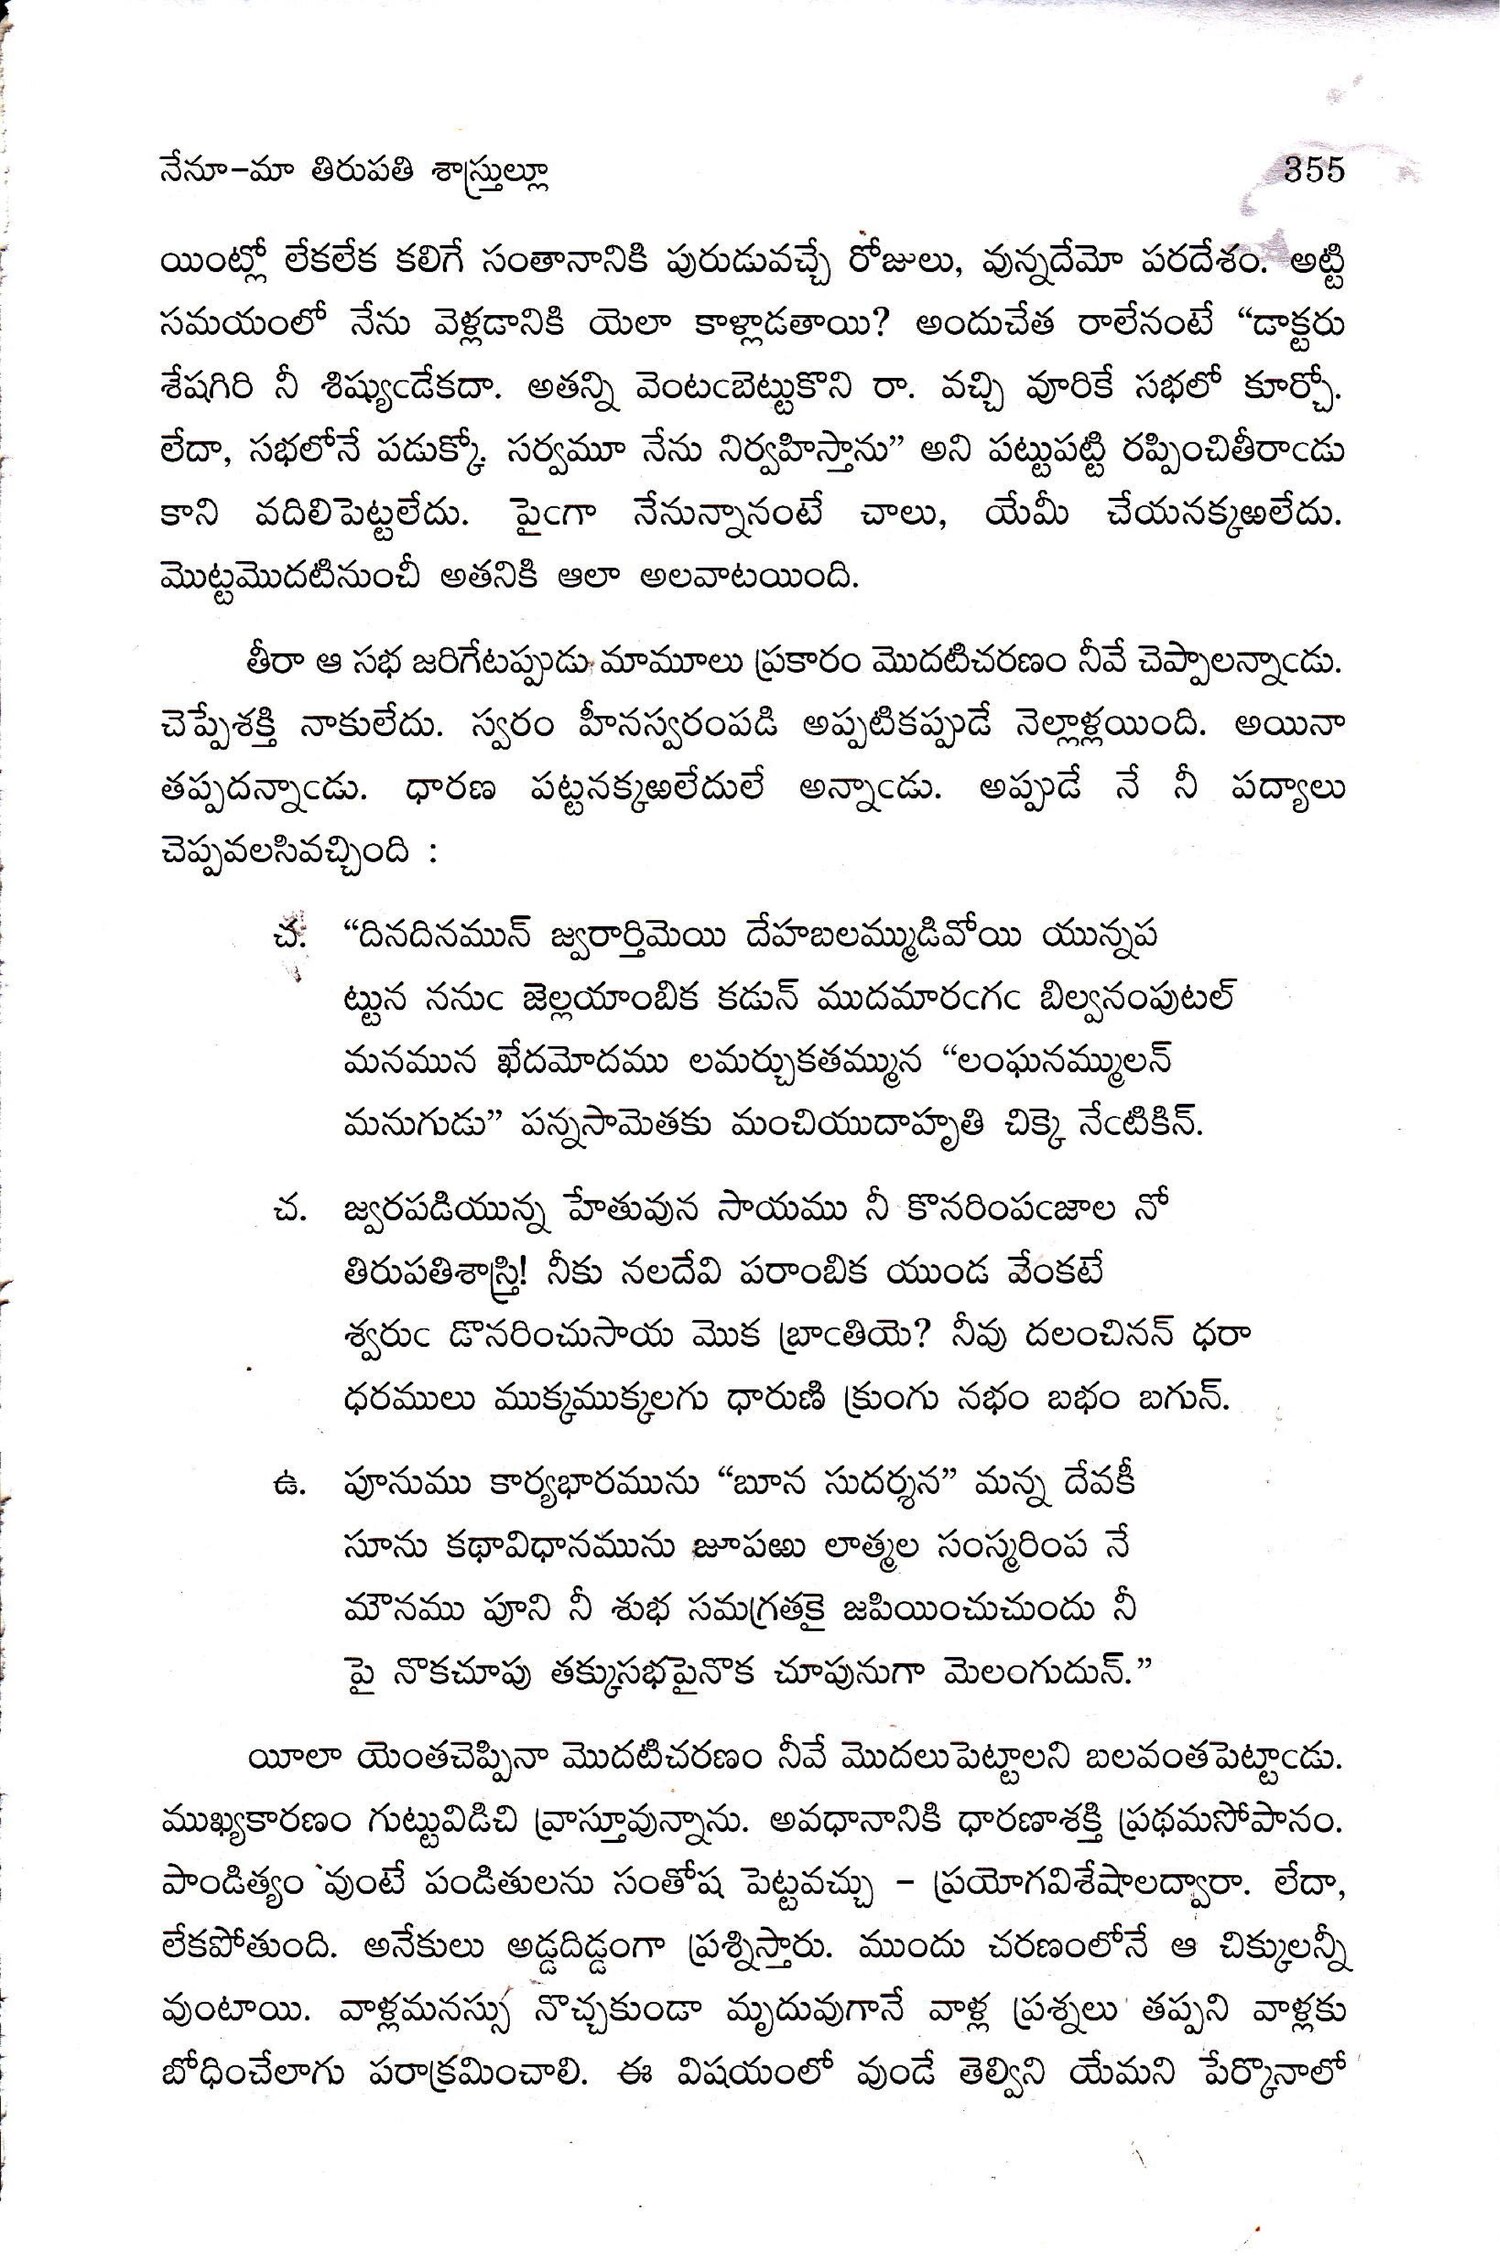యింట్లో లేకలేక కలిగే సంతానానికి పురుడువచ్చే రోజులు, వున్నదేమో పరదేశం. అట్టి సమయంలో నేను వెళ్లడానికి యెలా కాళ్లాడతాయి? అందుచేత రాలేనంటే “డాక్టరు శేషగిరి నీ శిష్యుఁడేకదా. అతన్ని వెంటఁబెట్టుకొని రా. వచ్చి వూరికే సభలో కూర్చో. లేదా, సభలోనే పడుక్కో సర్వమూ నేను నిర్వహిస్తాను” అని పట్టుపట్టి రప్పించితీరాఁడు కాని వదిలిపెట్టలేదు. పైఁగా నేనున్నానంటే చాలు, యేమీ చేయనక్కఱలేదు. మొట్టమొదటినుంచీ అతనికి ఆలా అలవాటయింది.

తీరా ఆ సభ జరిగేటప్పుడు మామూలు ప్రకారం మొదటిచరణం నీవే చెప్పాలన్నాఁడు. చెప్పేశక్తి నాకులేదు. స్వరం హీనస్వరంపడి అప్పటికప్పుడే నెల్లాళ్లయింది. అయినా తప్పదన్నాఁడు. ధారణ పట్టనక్కఱలేదులే అన్నాఁడు. అప్పుడే నే నీ పద్యాలు చెప్పవలసివచ్చింది :

చ: “దినదినమున్ జ్వరార్తిమెయి దేహబలమ్ముడివోయి యున్నప
 ట్టున ననుఁ జెల్లయాంబిక కడున్ ముదమారఁగఁ బిల్వనంపటల్ 
 మనమున భేదమోదము లమర్చుకతమ్మున “లంఘనమ్ములన్ 
 మనుగుడు” పన్నసామెతకు మంచియుదాహృతి చిక్కె నేఁటికిన్,

చ. జ్వరపడియున్న హేతువున సాయము నీ కొనరింపఁజాల నో 
 తిరుపతిశాస్త్రి! నీకు నలదేవి పరాంబిక యుండ వేంకటే 
 శ్వరుఁ డొనరించుసాయ మొక బ్రాఁతియె? నీవు దలంచినన్ ధరా 
 ధరములు ముక్కముక్కలగు ధారుణి క్రుంగు నభం బభం బగున్.

ఉ. పూనుము కార్యభారమును “బూన సుదర్శన" మన్న దేవకీ
 సూను కథావిధానమును జూపఱు లాత్మల సంస్మరింప నే 
 మౌనము పూని నీ శుభ సమగ్రతకై జపియించుచుందు నీ 
 పై నొకచూపు తక్కుసభపైనొక చూపునుగా మెలంగుదున్."
యీలా యెంతచెప్పినా మొదటిచరణం నీవే మొదలుపెట్టాలని బలవంతపెట్టాఁడు. ముఖ్యకారణం గుట్టువిడిచి వ్రాస్తూవున్నాను. అవధానానికి ధారణాశక్తి ప్రథమసోపానం. పాండిత్యం వుంటే పండితులను సంతోష పెట్టవచ్చు - ప్రయోగవిశేషాలద్వారా. లేదా, లేకపోతుంది. అనేకులు అడ్డదిడ్డంగా ప్రశ్నిస్తారు. ముందు చరణంలోనే ఆ చిక్కులన్నీ
వుంటాయి. వాళ్లమనస్సు నొచ్చకుండా మృదువుగానే వాళ్ల ప్రశ్నలు తప్పని వాళ్లకు బోధించేలాగు పరాక్రమించాలి. ఈ విషయంలో వుండే తెల్విని యేమని పేర్కొనాలో